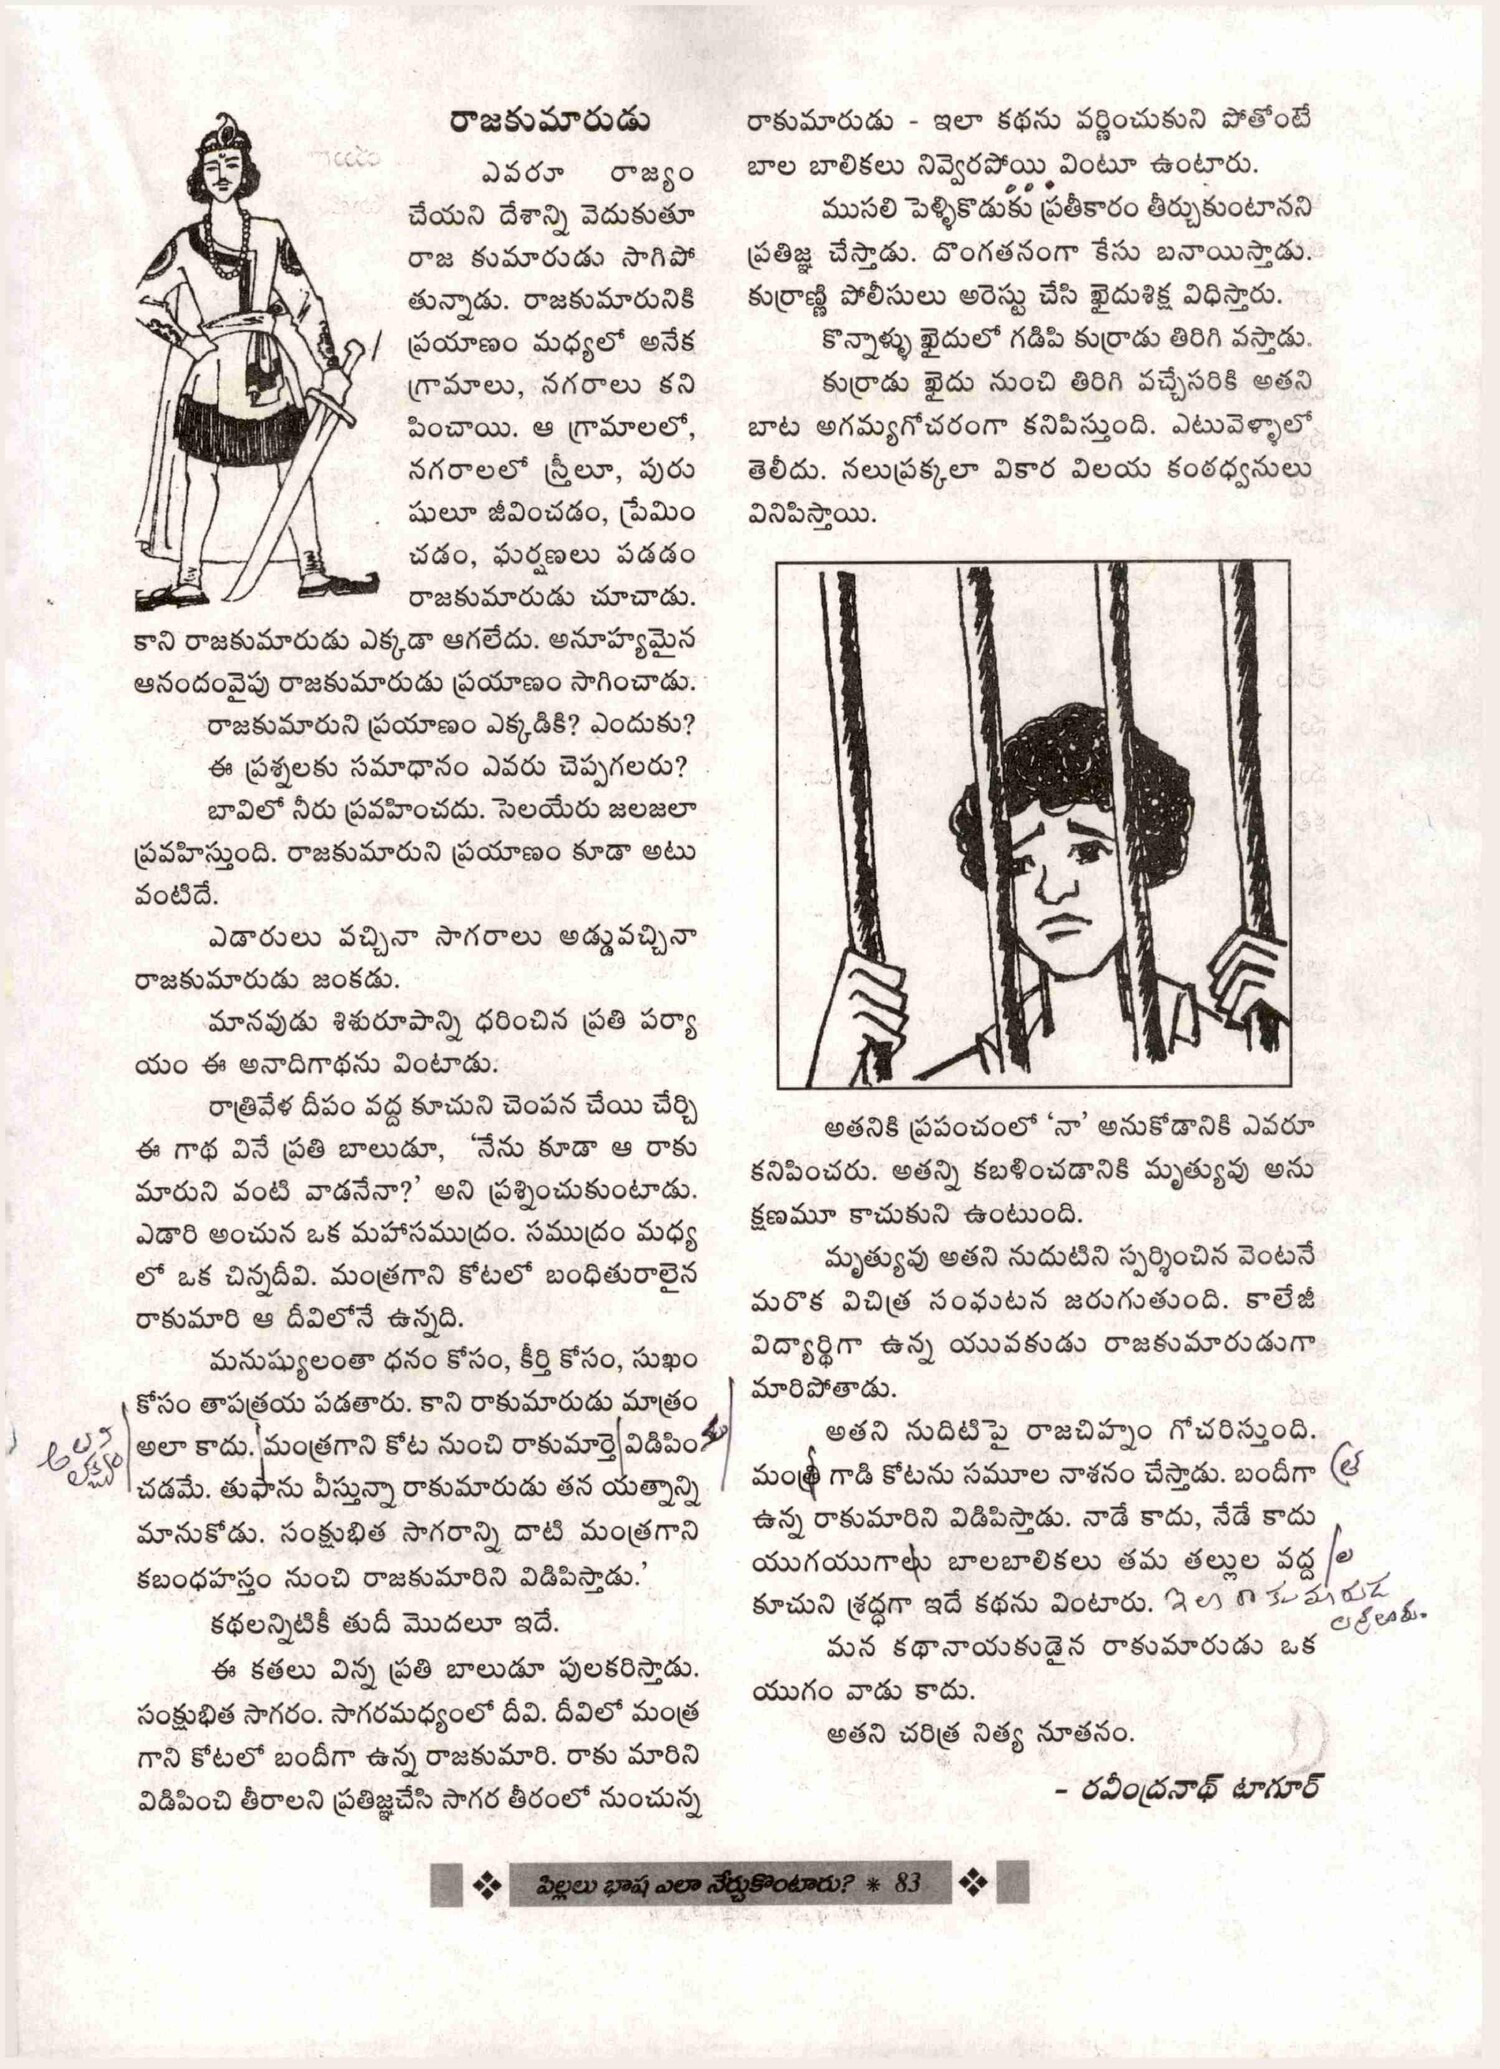రాజకుమారుడు

ఎవరూ రాజ్యం చేయని దేశాన్ని వెదుకుతూ రాజ కుమారుడు సాగిపోతున్నాడు. రాజకుమారునికి ప్రయాణం మధ్యలో అనేక గ్రామాలు, నగరాలు కనిపించాయి. ఆ గ్రామాలలో, నగరాలలో స్త్రీలూ, పురుషులూ జీవించడం, ప్రేమించడం, ఘర్షణలు పడడం రాజకుమారుడు చూచాడు. కాని రాజకుమారుడు ఎక్కడా ఆగలేదు. అనూహ్యమైన
ఆనందంవైపు రాజకుమారుడు ప్రయాణం సాగించాడు.

రాజకుమారుని ప్రయాణం ఎక్కడికి? ఎందుకు?

ఈ ప్రశ్నలకు సమాధానం ఎవరు చెప్పగలరు?

బావిలో నీరు ప్రవహించదు. సెలయేరు జలజలా ప్రవహిస్తుంది. రాజకుమారుని ప్రయాణం కూడా అటువంటిదే.

ఎడారులు వచ్చినా సాగరాలు అడ్డువచ్చినా రాజకుమారుడు జంకడు.

మానవుడు శిశురూపాన్ని ధరించిన ప్రతి పర్యాయం ఈ అనాదిగాథను వింటాడు.

రాత్రివేళ దీపం వద్ద కూచుని చెంపన చేయి చేర్చి ఈ గాథ వినే ప్రతి బాలుడూ, 'నేను కూడా ఆ రాకుమారుని వంటి వాడనేనా?' అని ప్రశ్నించుకుంటాడు. ఎడారి అంచున ఒక మహాసముద్రం. సముద్రం మధ్యలో ఒక చిన్నదీవి. మంత్రగాని కోటలో బంధితురాలైన రాకుమారి ఆ దీవిలోనే ఉన్నది.

మనుష్యులంతా ధనం కోసం, కీర్తి కోసం, సుఖంకోసం తాపత్రయ పడతారు. కాని రాకుమారుడు మాత్రం అతని లక్ష్యం అలా కాదు. మంత్రగాని కోట నుంచి రాకుమార్తె విడిపించడమే. తుఫాను వీస్తున్నా రాకుమారుడు తన యత్నాన్ని మానుకోడు. సంక్షుభిత సాగరాన్ని దాటి మంత్రగాని కబంధహస్తం నుంచి రాజకుమారిని విడిపిస్తాడు.'

కథలన్నిటికీ తుదీ మొదలూ ఇదే.

ఈ కతలు విన్న ప్రతి బాలుడూ పులకరిస్తాడు. సంక్షుభిత సాగరం. సాగరమధ్యంలో దీవి. దీవిలో మంత్రగాని కోటలో బందీగా ఉన్న రాజకుమారి. రాకు మారిని విడిపించి తీరాలని ప్రతిజ్ఞచేసి సాగర తీరంలో నుంచున్న రాకుమారుడు - ఇలా కథను వర్ణించుకుని పోతోంటే బాల బాలికలు నివ్వెరపోయి వింటూ ఉంటారు.

ముసలి పెళ్ళికొడుకు ప్రతీకారం తీర్చుకుంటానని ప్రతిజ్ఞ చేస్తాడు. దొంగతనంగా కేసు బనాయిస్తాడు. కుర్రాణ్ణి పోలీసులు అరెస్టు చేసి ఖైదు శిక్ష విధిస్తారు.

కొన్నాళ్ళు ఖైదులో గడిపి కుర్రాడు తిరిగి వస్తాడు.

కుర్రాడు ఖైదు నుంచి తిరిగి వచ్చేసరికి అతని బాట అగమ్యగోచరంగా కనిపిస్తుంది. ఎటువెళ్ళాలో తెలీదు. నలుప్రక్కలా వికార విలయ కంఠధ్వనులు వినిపిస్తాయి.

అతనికి ప్రపంచంలో 'నా' అనుకోడానికి ఎవరూ కనిపించరు. అతన్ని కబళించడానికి మృత్యువు అనుక్షణమూ కాచుకుని ఉంటుంది.

మృత్యువు అతని నుదుటిని స్పర్శించిన వెంటనే మరొక విచిత్ర సంఘటన జరుగుతుంది. కాలేజీ విద్యార్థిగా ఉన్న యువకుడు రాజకుమారుడుగా మారిపోతాడు.

అతని నుదిటిపై రాజచిహ్నం గోచరిస్తుంది. మంత్ర గాడి కోటను సమూల నాశనం చేస్తాడు. బందీగా ఉన్న రాకుమారిని విడిపిస్తాడు. నాడే కాదు, నేడే కాదు యుగయుగాల బాలబాలికలు తమ తల్లుల వద్ద కూచుని శ్రద్ధగా ఇదే కథను వింటారు. ఇలా రాకుమారుడ లవుతారు.

మన కథానాయకుడైన రాకుమారుడు ఒక యుగం వాడు కాదు.

అతని చరిత్ర నిత్య నూతనం.